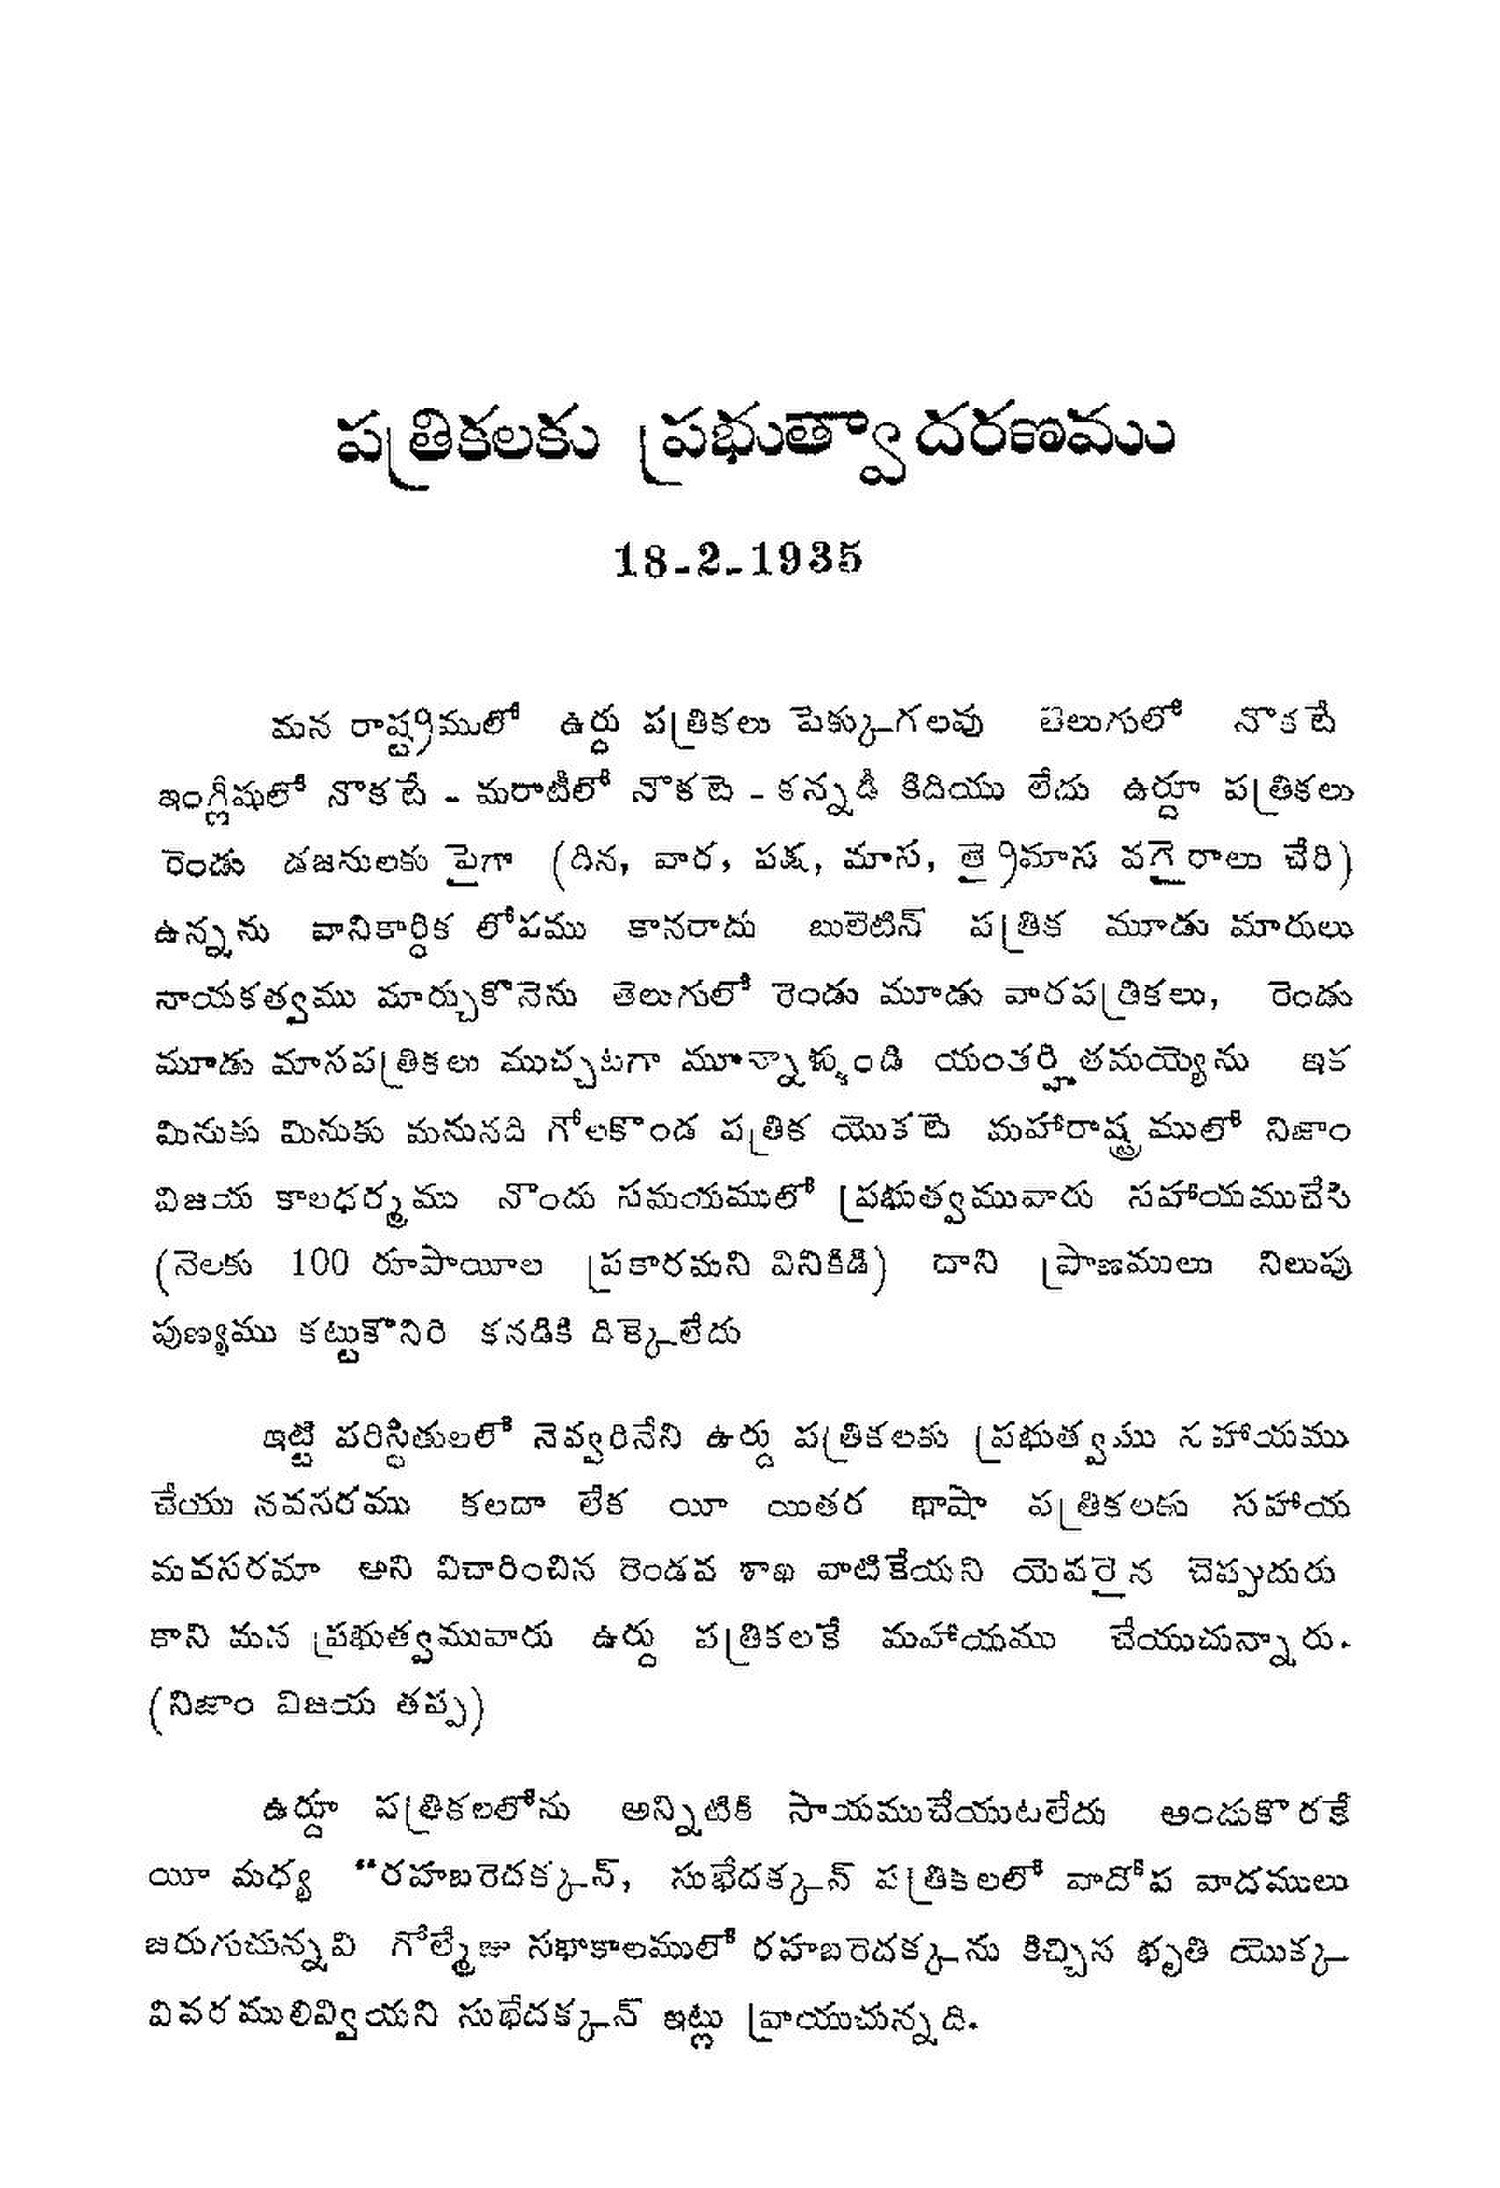పత్రికలకు ప్రభుత్వాదరణము

18 - 2 - 1935

మన రాష్ట్రములో ఉర్దు పత్రికలు పెక్కుగలవు తెలుగులో నొకటే ఇంగ్లీషులో నొకటే - మరాటీలో నొకటే - కన్నడీ కిదియు లేదు ఉర్దూ పత్రికలు రెండు డజనులకు పైగా (దిన, వార, పక్ష, మాస, త్రైమాస వగైరాలు చేరి) ఉన్నను వానికార్ధిక లోపము కానరాదు బులెటిన్ పత్రిక మూడు మారులు నాయకత్వము మార్చుకొనెను తెలుగులో రెండు మూడు వారపత్రికలు, రెండు మూడు మాసపత్రికలు ముచ్చటగా మూన్నాళ్ళుండి యంతర్హితమయ్యెను ఇక మినుకు మినుకు మనునది గోలకొండ పత్రిక యొకటే మహారాష్ట్రములో నిజాం విజయ కాలధర్మము నొందు సమయములో ప్రభుత్వమువారు సహాయముచేసి (నెలకు 100 రూపాయీల ప్రకారమని వినికిడి) దాని ప్రాణములు నిలుపు పుణ్యము కట్టుకొనిరి కనడికి దిక్కెలేదు

ఇట్టి పరిస్థితులలో నెవ్వరినేని ఉర్దు పత్రికలకు ప్రభుత్వము సహాయము చేయు నవసరము కలదా లేక యీ యితర భాషా పత్రికలకు సహాయ మవసరమా అని విచారించిన రెండవ శాఖ వాటికేయని యెవరైన చెప్పుదురు కాని మన ప్రభుత్వమువారు ఉర్దు పత్రికలకే మహాయము చేయుచున్నారు. (నిజాం విజయ తప్ప)

ఉర్దూ పత్రికలలోను అన్నిటికి సాయముచేయుటలేదు అందుకొరకే యీ మధ్య "రహబరెదక్కన్, సుభేదక్కన్ పత్రికలలో వాదోప వాదములు జరుగుచున్నవి గోల్మేజు సభాకాలములో రహబరెదక్కను కిచ్చిన భృతి యొక్క
వివరములివ్వియని సుభేదక్కన్ ఇట్లు వ్రాయుచున్నది.